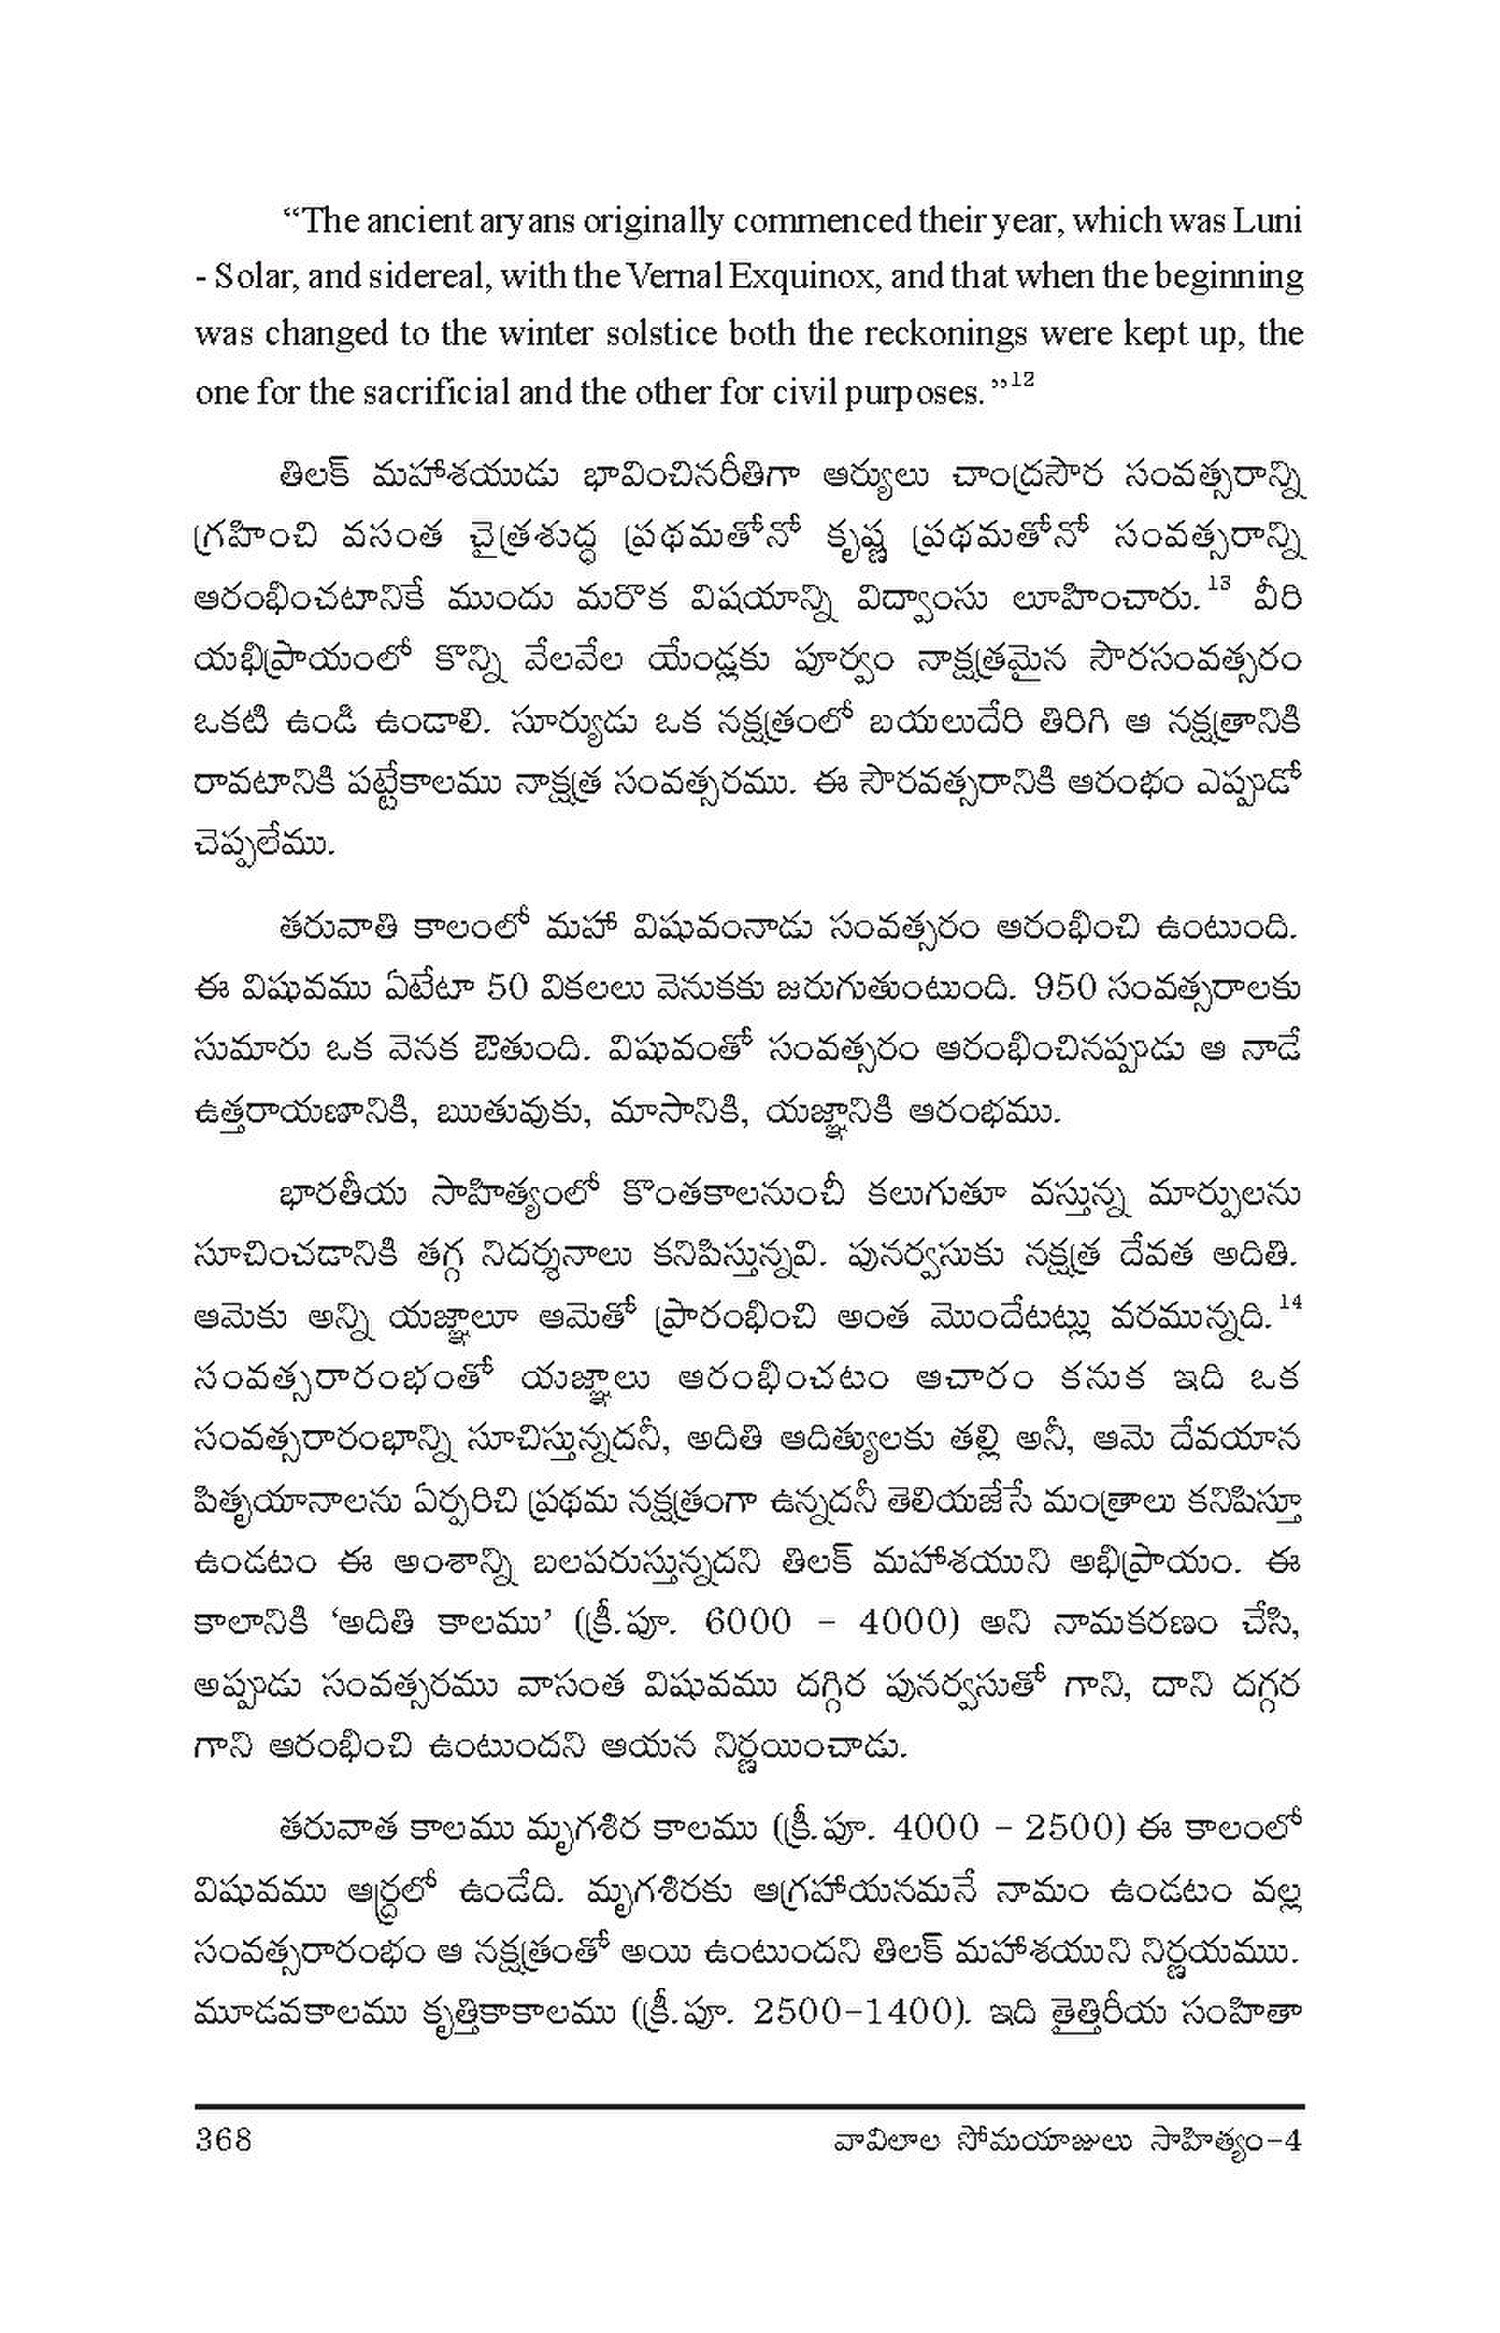"The ancient ary ans originally commenced their year, which was Luni
- Solar, and sidereal, with the Vernal Exquinox, and that when the beginning
was changed to the winter solstice both the reckonings were kept up, the
one for the sacrificial and the other for civil purposes.

తిలక్ మహాశయుడు భావించినరీతిగా ఆర్యులు చాంద్రసౌర సంవత్సరాన్ని
గ్రహించి వసంత చైత్రశుద్ధ ప్రథమతోనో కృష్ణ ప్రథమతోనో సంవత్సరాన్ని
ఆరంభించటానికే ముందు మరొక విషయాన్ని విద్వాంసు లూహించారు. వీరి
యభిప్రాయంలో కొన్ని వేలవేల యేండ్లకు పూర్వం నాక్షత్రమైన సౌరసంవత్సరం
ఒకటి ఉండి ఉండాలి. సూర్యుడు ఒక నక్షత్రంలో బయలుదేరి తిరిగి ఆ నక్షత్రానికి
రావటానికి పట్టేకాలము నాక్షత్ర సంవత్సరము. ఈ సౌరవత్సరానికి ఆరంభం ఎప్పుడో
చెప్పలేము. 

తరువాతి కాలంలో మహా విషువంనాడు సంవత్సరం ఆరంభించి ఉంటుంది.
ఈ విషువము ఏటేటా 50 వికలలు వెనుకకు జరుగుతుంటుంది. 950 సంవత్సరాలకు
సుమారు ఒక వెనక ఔతుంది. విషువంతో సంవత్సరం ఆరంభించినప్పుడు ఆ నాడే
ఉత్తరాయణానికి, ఋతువుకు, మాసానికి, యజ్ఞానికి ఆరంభము. 

భారతీయ సాహిత్యంలో కొంతకాలనుంచీ కలుగుతూ వస్తున్న మార్పులను
సూచించడానికి తగ్గ నిదర్శనాలు కనిపిస్తున్నవి. పునర్వసుకు నక్షత్ర దేవత అదితి.
ఆమెకు అన్ని యజ్ఞాలూ ఆమెతో ప్రారంభించి అంత మొందేటట్లు వరమున్నది.
సంవత్సరారంభంతో యజ్ఞాలు ఆరంభించటం ఆచారం కనుక ఇది ఒక
సంవత్సరారంభాన్ని సూచిస్తున్నదనీ, అదితి ఆదిత్యులకు తల్లి అనీ, ఆమె దేవయాన
పితృయానాలను ఏర్పరిచి ప్రథమ నక్షత్రంగా ఉన్నదనీ తెలియజేసే మంత్రాలు కనిపిస్తూ
ఉండటం ఈ అంశాన్ని బలపరుస్తున్నదని తిలక్ మహాశయుని అభిప్రాయం. ఈ
కాలానికి 'అదితి కాలము' (క్రీ.పూ. 6000 - 4000) అని నామకరణం చేసి,
అప్పుడు సంవత్సరము వాసంత విషువము దగ్గిర పునర్వసుతో గాని, దాని దగ్గర
గాని ఆరంభించి ఉంటుందని ఆయన నిర్ణయించాడు.

తరువాత కాలము మృగశిర కాలము (క్రీ.పూ. 4000 - 2500) ఈ కాలంలో
విషువము ఆర్ద్రలో ఉండేది. మృగశిరకు అగ్రహాయనమనే నామం ఉండటం వల్ల
సంవత్సరారంభం ఆ నక్షత్రంతో అయి ఉంటుందని తిలక్ మహాశయుని నిర్ణయము.
మూడవకాలము కృత్తికాకాలము (క్రీ.పూ. 2500-1400). ఇది తైత్తిరీయ సంహితా